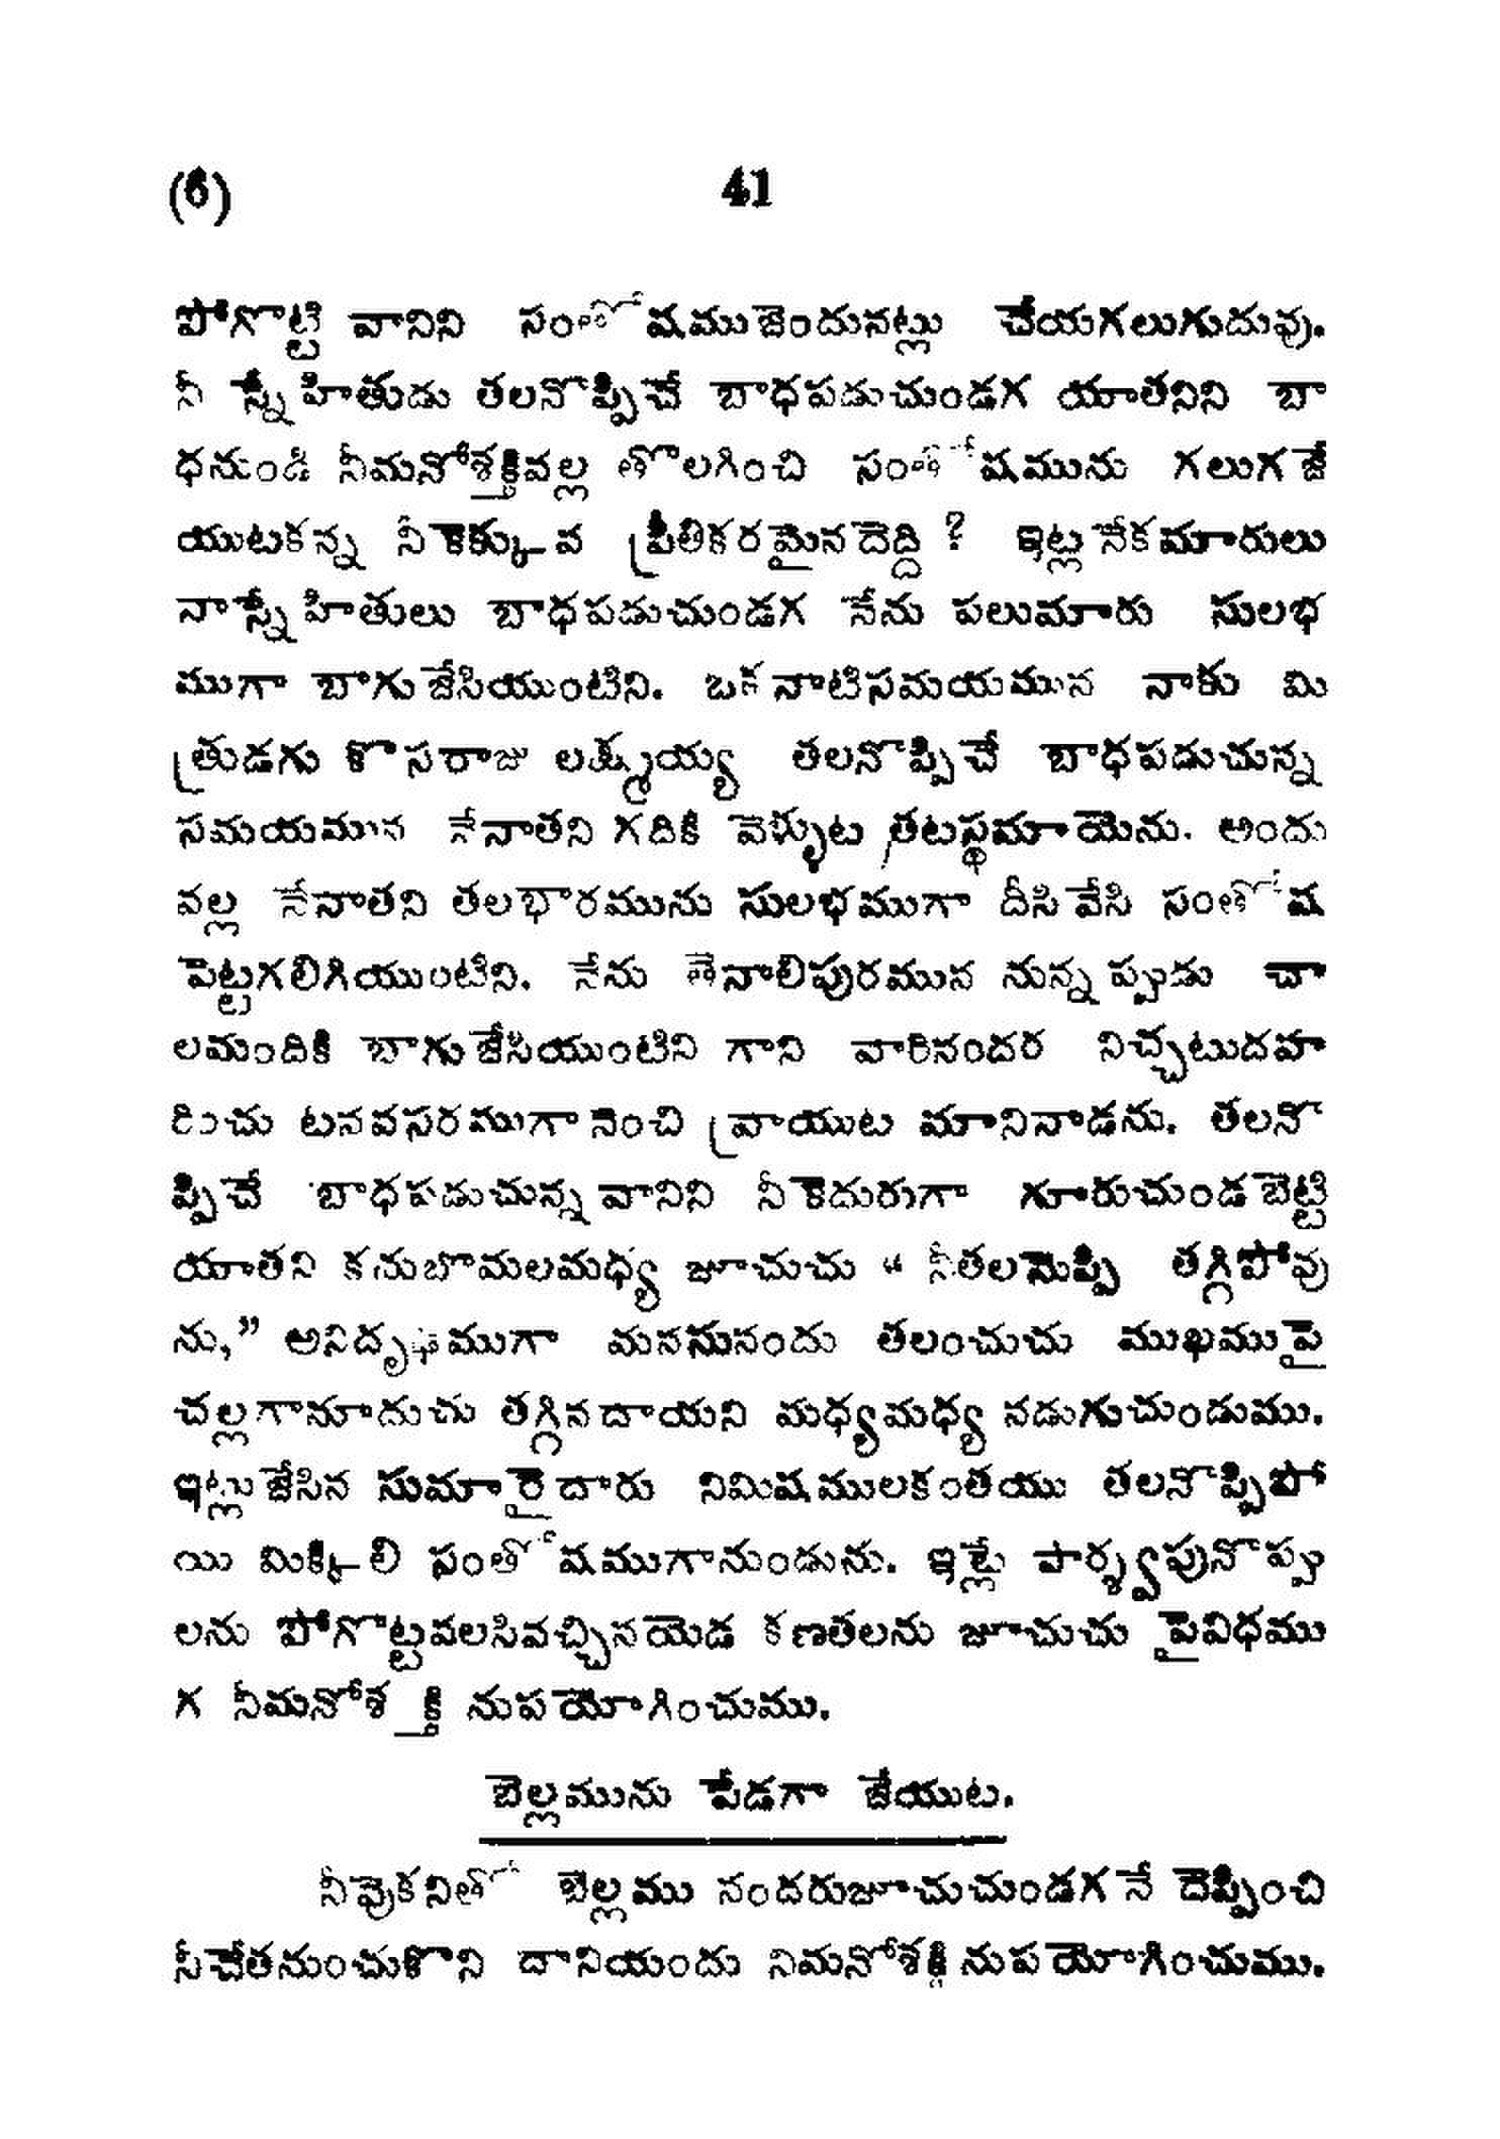పోగొట్టి వానిని సంతోషముజెందునట్లు చేయగలుగుదువు. నీ స్నేహితుడు తలనొప్పిచే బాధపడు చుండగ యాతనిని బాధనుండి నీమనోశక్తివల్ల తొలగించి సంతోషమును గలుగజేయుటకన్న నీ కెక్కువ ప్రీతికరమైనదెద్ది? ఇట్లనేకమారులు నాస్నేహితులు బాధపడుచుండగ నేను పలుమారు సులభముగా బాగుజేసియుంటిని. ఒకనాటిసమయమున నాకు మిత్రుడగు కొసరాజు లక్ష్మయ్య తలనొప్పిచే బాధపడుచున్న సమయమున నేనాతని గదికి వెళ్ళుట తటస్థమాయెను. అందువల్ల నేనాతని తలభారమును సులభముగా దీసి వేసి సంతోష పెట్టగలిగియుంటిని. నేను తెనాలిపురమున నున్నప్పుడు చాలమందికి బాగుజేసియుంటిని గాని వారినందర నిచ్చటుదహరించు టనవసరముగా నెంచి వ్రాయుట మానినాడను. తలనొప్పిచే బాధపడుచున్నవానిని నీకెదురుగా గూరుచుండబెట్టి
యాతని కనుబొమలమధ్య జూచుచు "నీతలనొప్పి తగ్గిపోవును,” అనిదృఢముగా మనసునందు తలంచుచు ముఖముపై చల్లగానూదుచు తగ్గినదాయని మధ్యమధ్య నడుగుచుండుము. ఇట్లుజేసిన సుమారైదారు నిమిషములకంతయు తలనొప్పిపోయి మిక్కిలి సంతోషముగానుండును. ఇట్లే పార్శ్వపునొప్పులను పోగొట్టవలసివచ్చినయెడ కణతలను జూచుచు పైవిధముగ నీమనోశక్తి నుపయోగించుము.

నీవొకనితో బెల్లము నందరుజూచుచుండగనే దెప్పించి నీచేతనుంచుకొని దానియందు నీమనోశక్తి నుపయోగించుము.